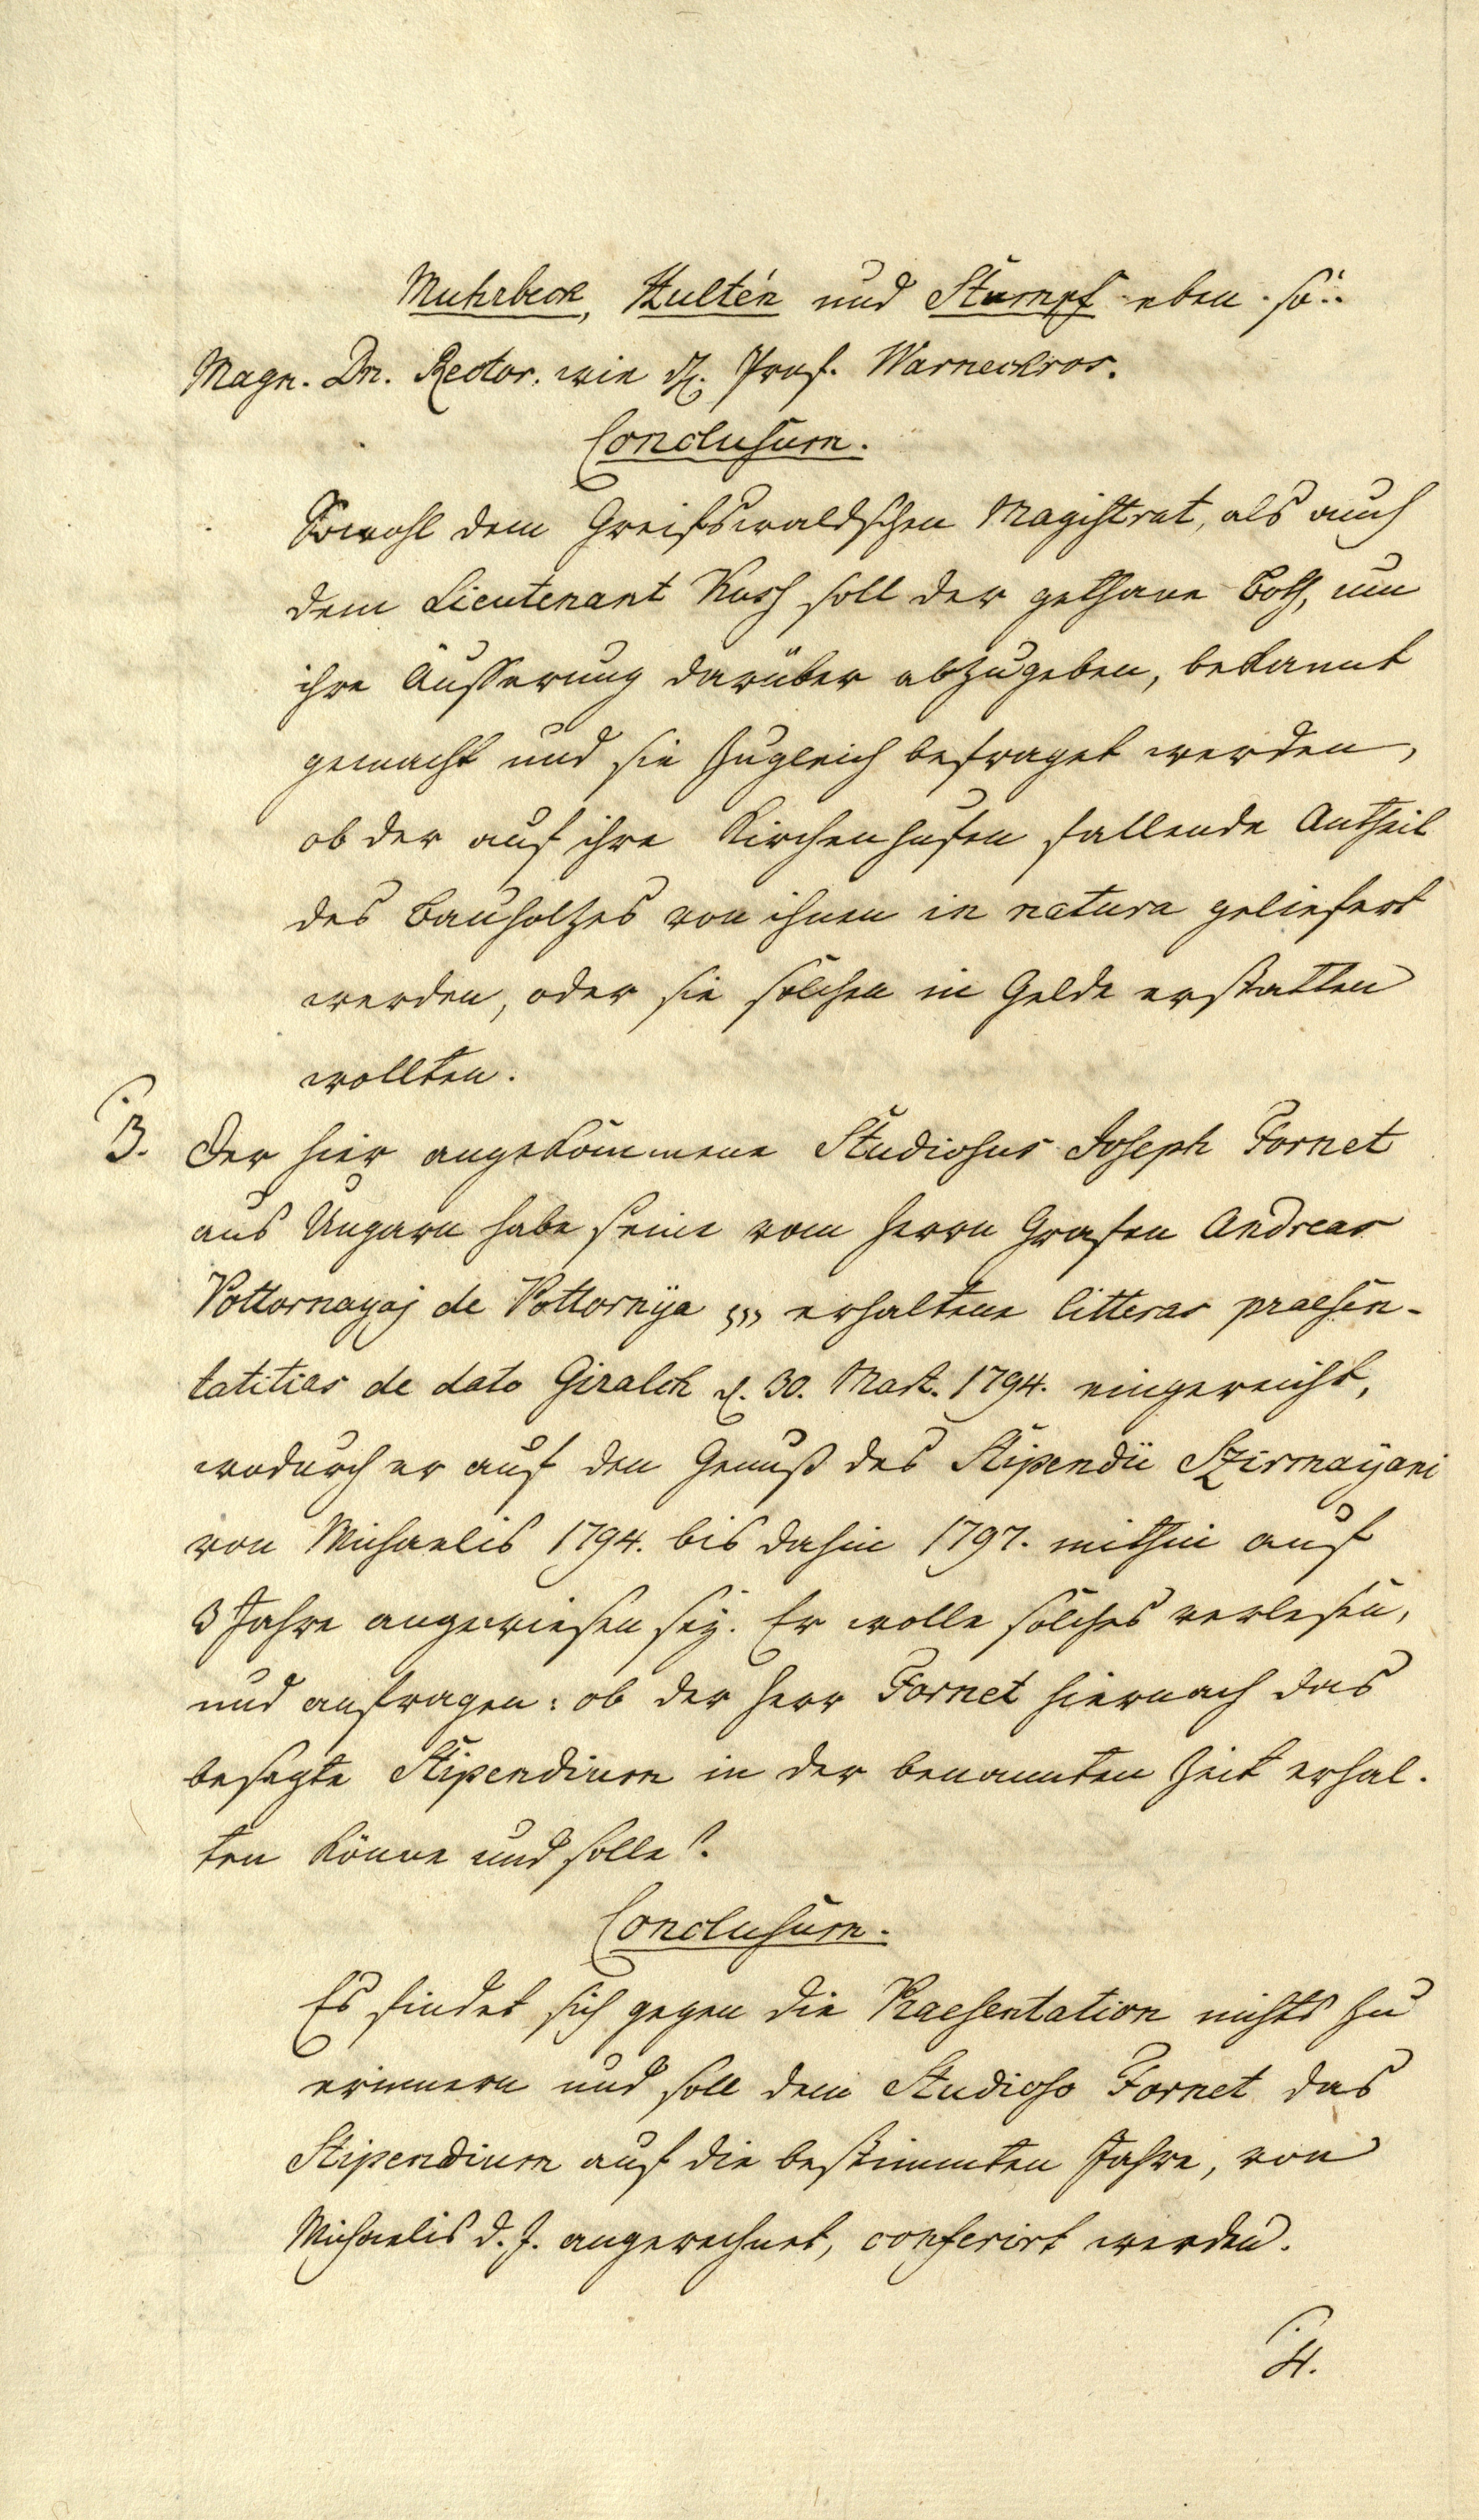Muhrbeck, Hultén und Stumpf eben so:
Magn. Dn. Recotr, wie dh. Prof. Warneckros.
Conclusum.
Sowohl dem Greifswaldschen Magistrat, als auch
dem Lieutenant Kuss soll der gethane Both, um
ihre Äusserung darüber abzugeben, bekannt
gemacht und sie zugleich befraget werden,
ob der auf ihre Kirchenhufen fallende Antheil
des Bauholtzes von ihnen in natura geliefert
werde, oder sie solchen in Gelde erstatten
wollten.
3. Der hier angekommene Studiosus Joseph Fornet
aus Ungarn habe seine vom Herrn Grafen Andreas
Pottornayaj de Pottonya etc. erhaltene litteras praesen-
tatitias de dato Giralth d. 30. Mart. 1794 eingereicht,
wodurch er auf den Genuß des Stipendii Szirmayani
von Michaelis 1794. bis dahin 1797. mithin auf
3 Jahre angewiesen sey. Er wolle solches verlesen,
und anfragen: ob der Herr Fornet hiernach das
besagte Stipendium in der benannten Zeit erhal-
ten könne und solle?
Conclusum.
Es findet sich gegen die Praesentation nichts zu
erinnern und soll dem Studioso Fornet das
Stipendium auf die bestimmten Jahre, von
Michaelis d.J. angerechnet, conferirt werden.